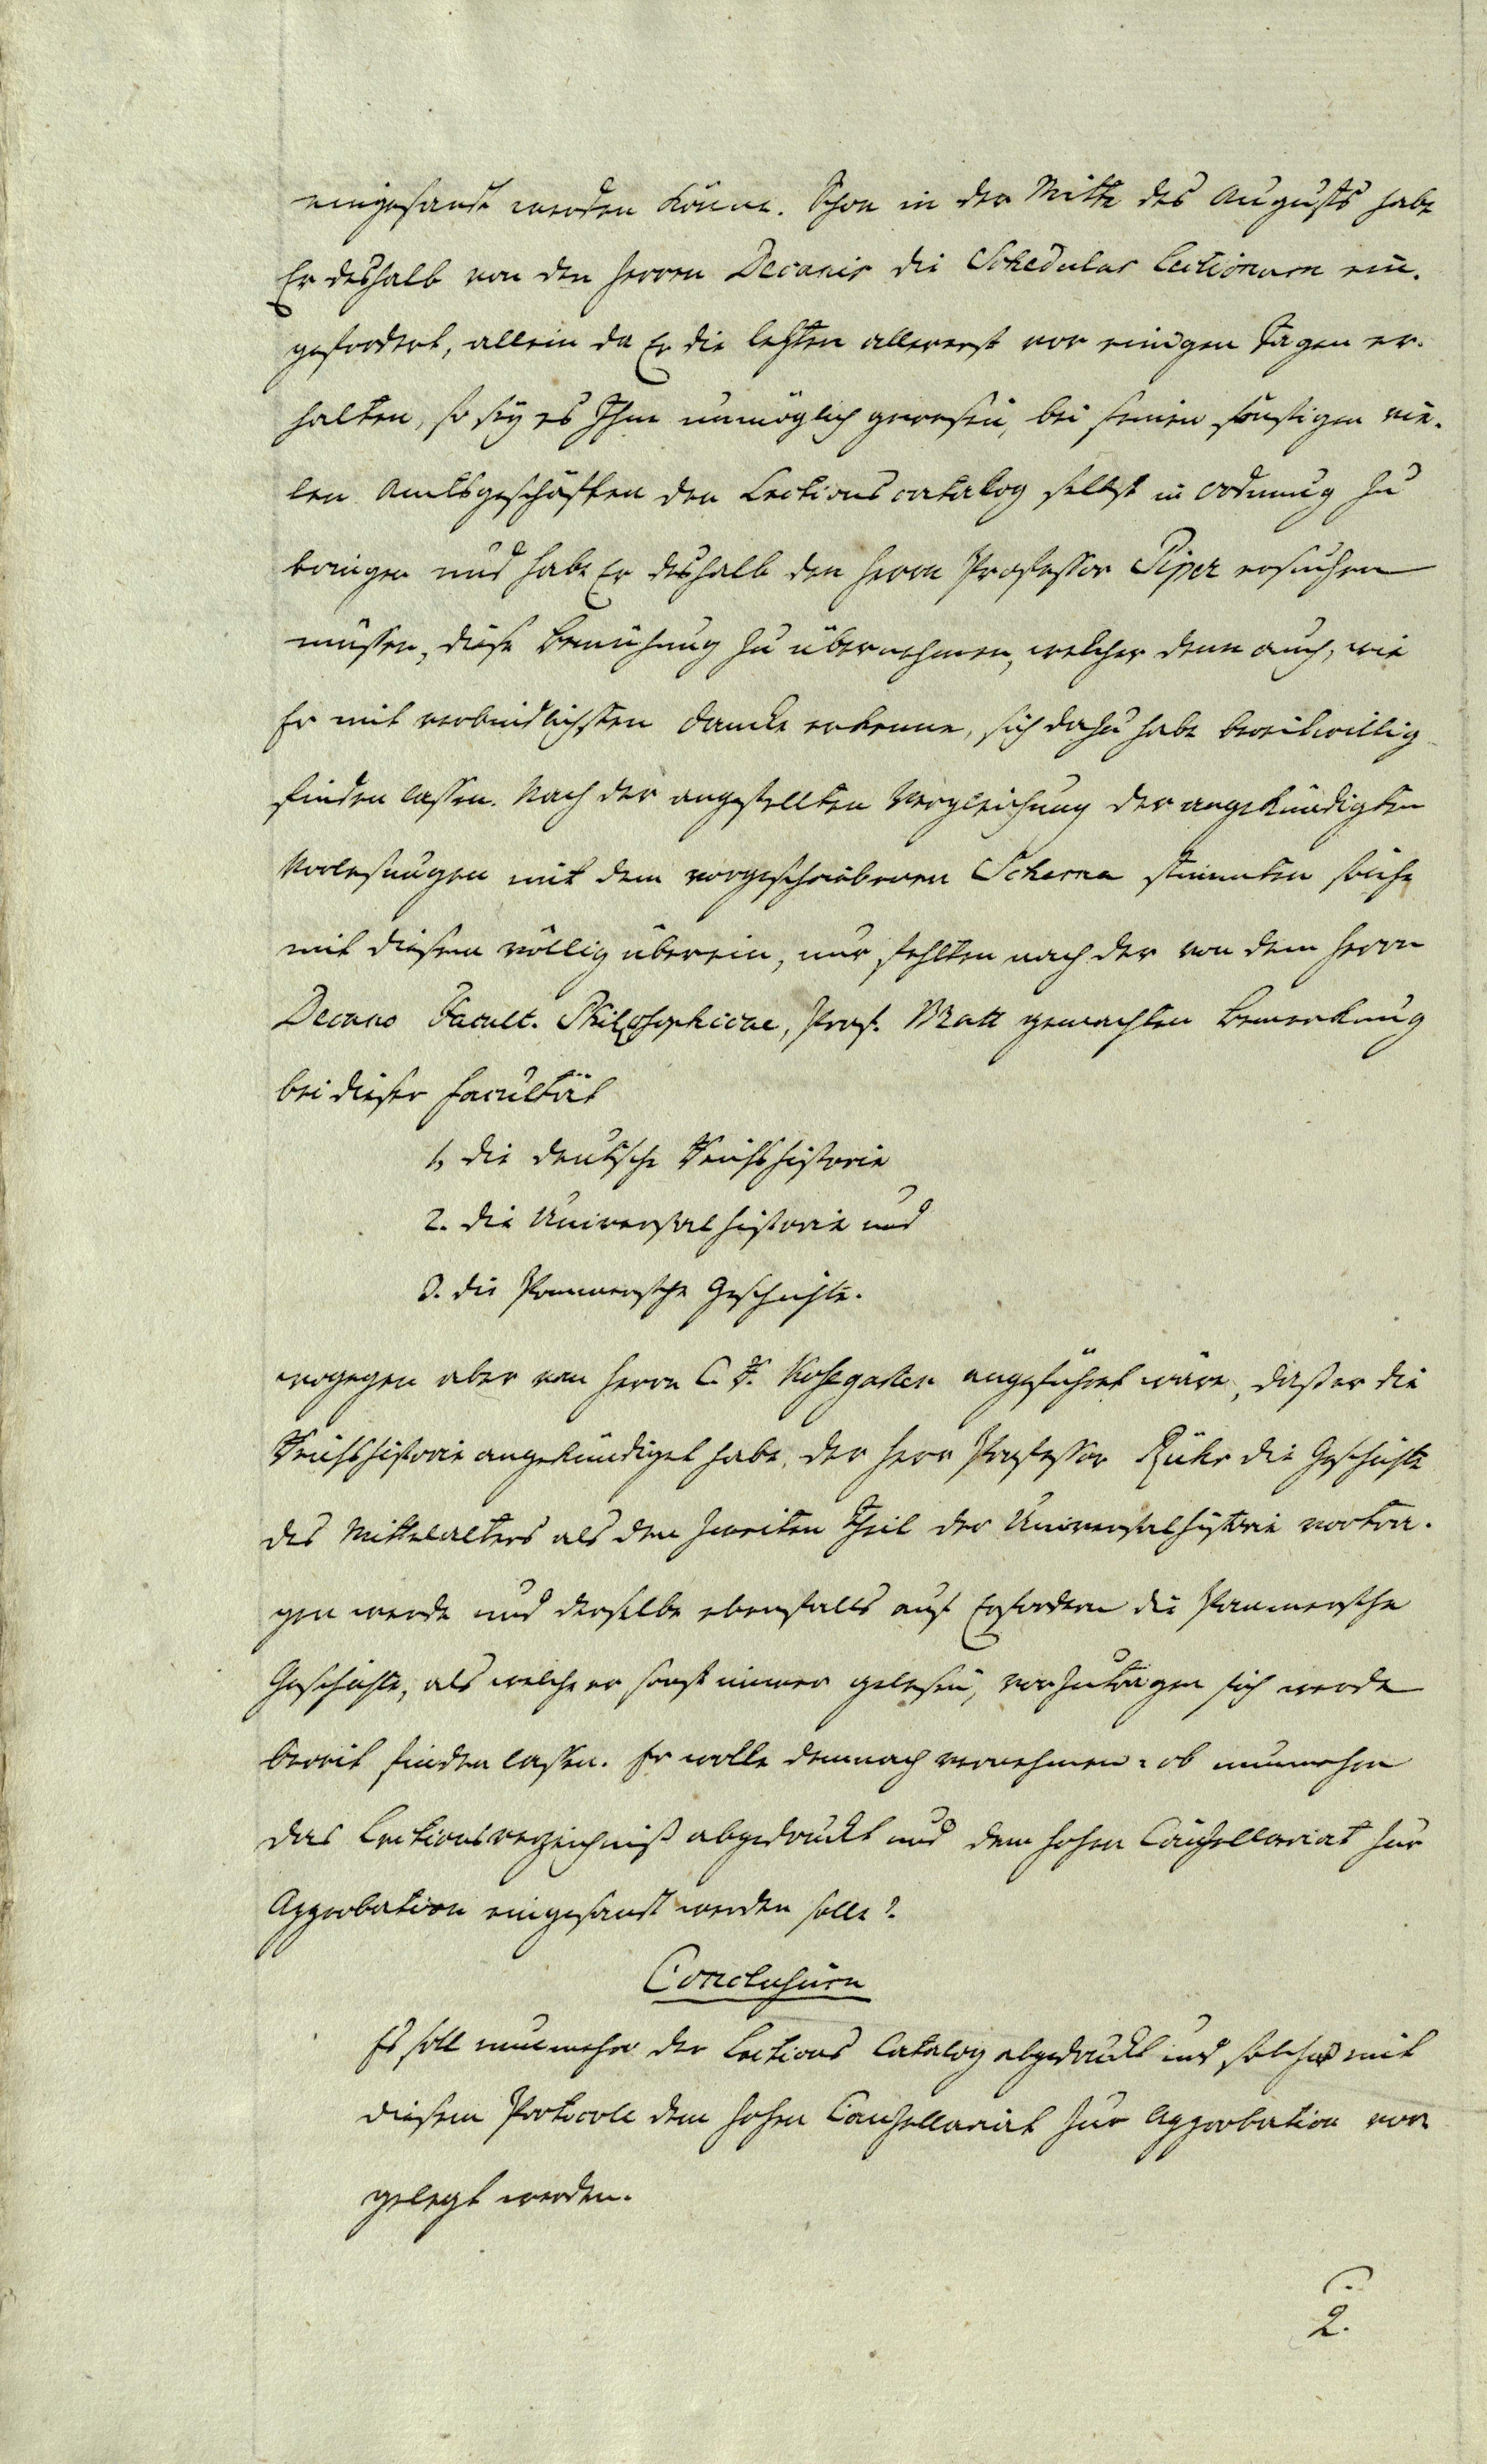eingesandt werden könne. Schon in der Mitte des Augusts habe
Er deshalb von den Herren Decanis die Schedulas Lectionum ein¬
gefordert, allein da Er die letzten allererst vor einigen Tagen er¬
halten, so seÿ es Ihm unmöglich gewesen, bei seinen sonstigen vie¬
len Amtsgeschäften den Lectionscatalog selbst in Ordnung zu
bringen und habe Er deshalb den Herrn Professor Piper ersuchen
müssen, diese Bemühung zu übernehmen, welcher denn auch, wie
Er mit verbindlichsten Danke erkenne, sich dazu habe bereitwillig
finden lassen. Nach der angestellten Vergleichung der angekündigten
Vorlesungen mit dem vorgeschriebenen Schema stimmten solche
mit diesem völlig überein, nur fehlten nach der von dem Herrn
Decano Facult. Philosophicae, Prof. Bratt gemachten Bemerkung
bei dieser Facultät
1, die deutsche Reichshistorie
2. die Universalhistorie und
3. die Pommersche Geschichte.
wogegen aber von Herrn C. R. Kosegarten angeführet wäre, daß er die
Reichshistorie angekündiget habe, der Herr Professor Rühs die Geschichte
des Mittelalters als den zweiten Theil der Universalhistorie vortra¬
gen werde und derselbe ebenfalls auf Erfordern die Pommersche
Geschichte, als welche er sonst immer gelesen, vorzutragen sich werde
bereit finden lassen. Er wolle demnach vernehmen: ob nunmehro
das Lectionsverzeichniß abgedruckt und dem hohen Canzellariat zur
Approbation eingesandt werden solle?
Conclusum
Es soll nunmehr der Lections Catalog abgedruckt und solches mit
diesem Protocoll dem hohen Canzellariat zur Approbation vor¬
gelegt werden.
2.